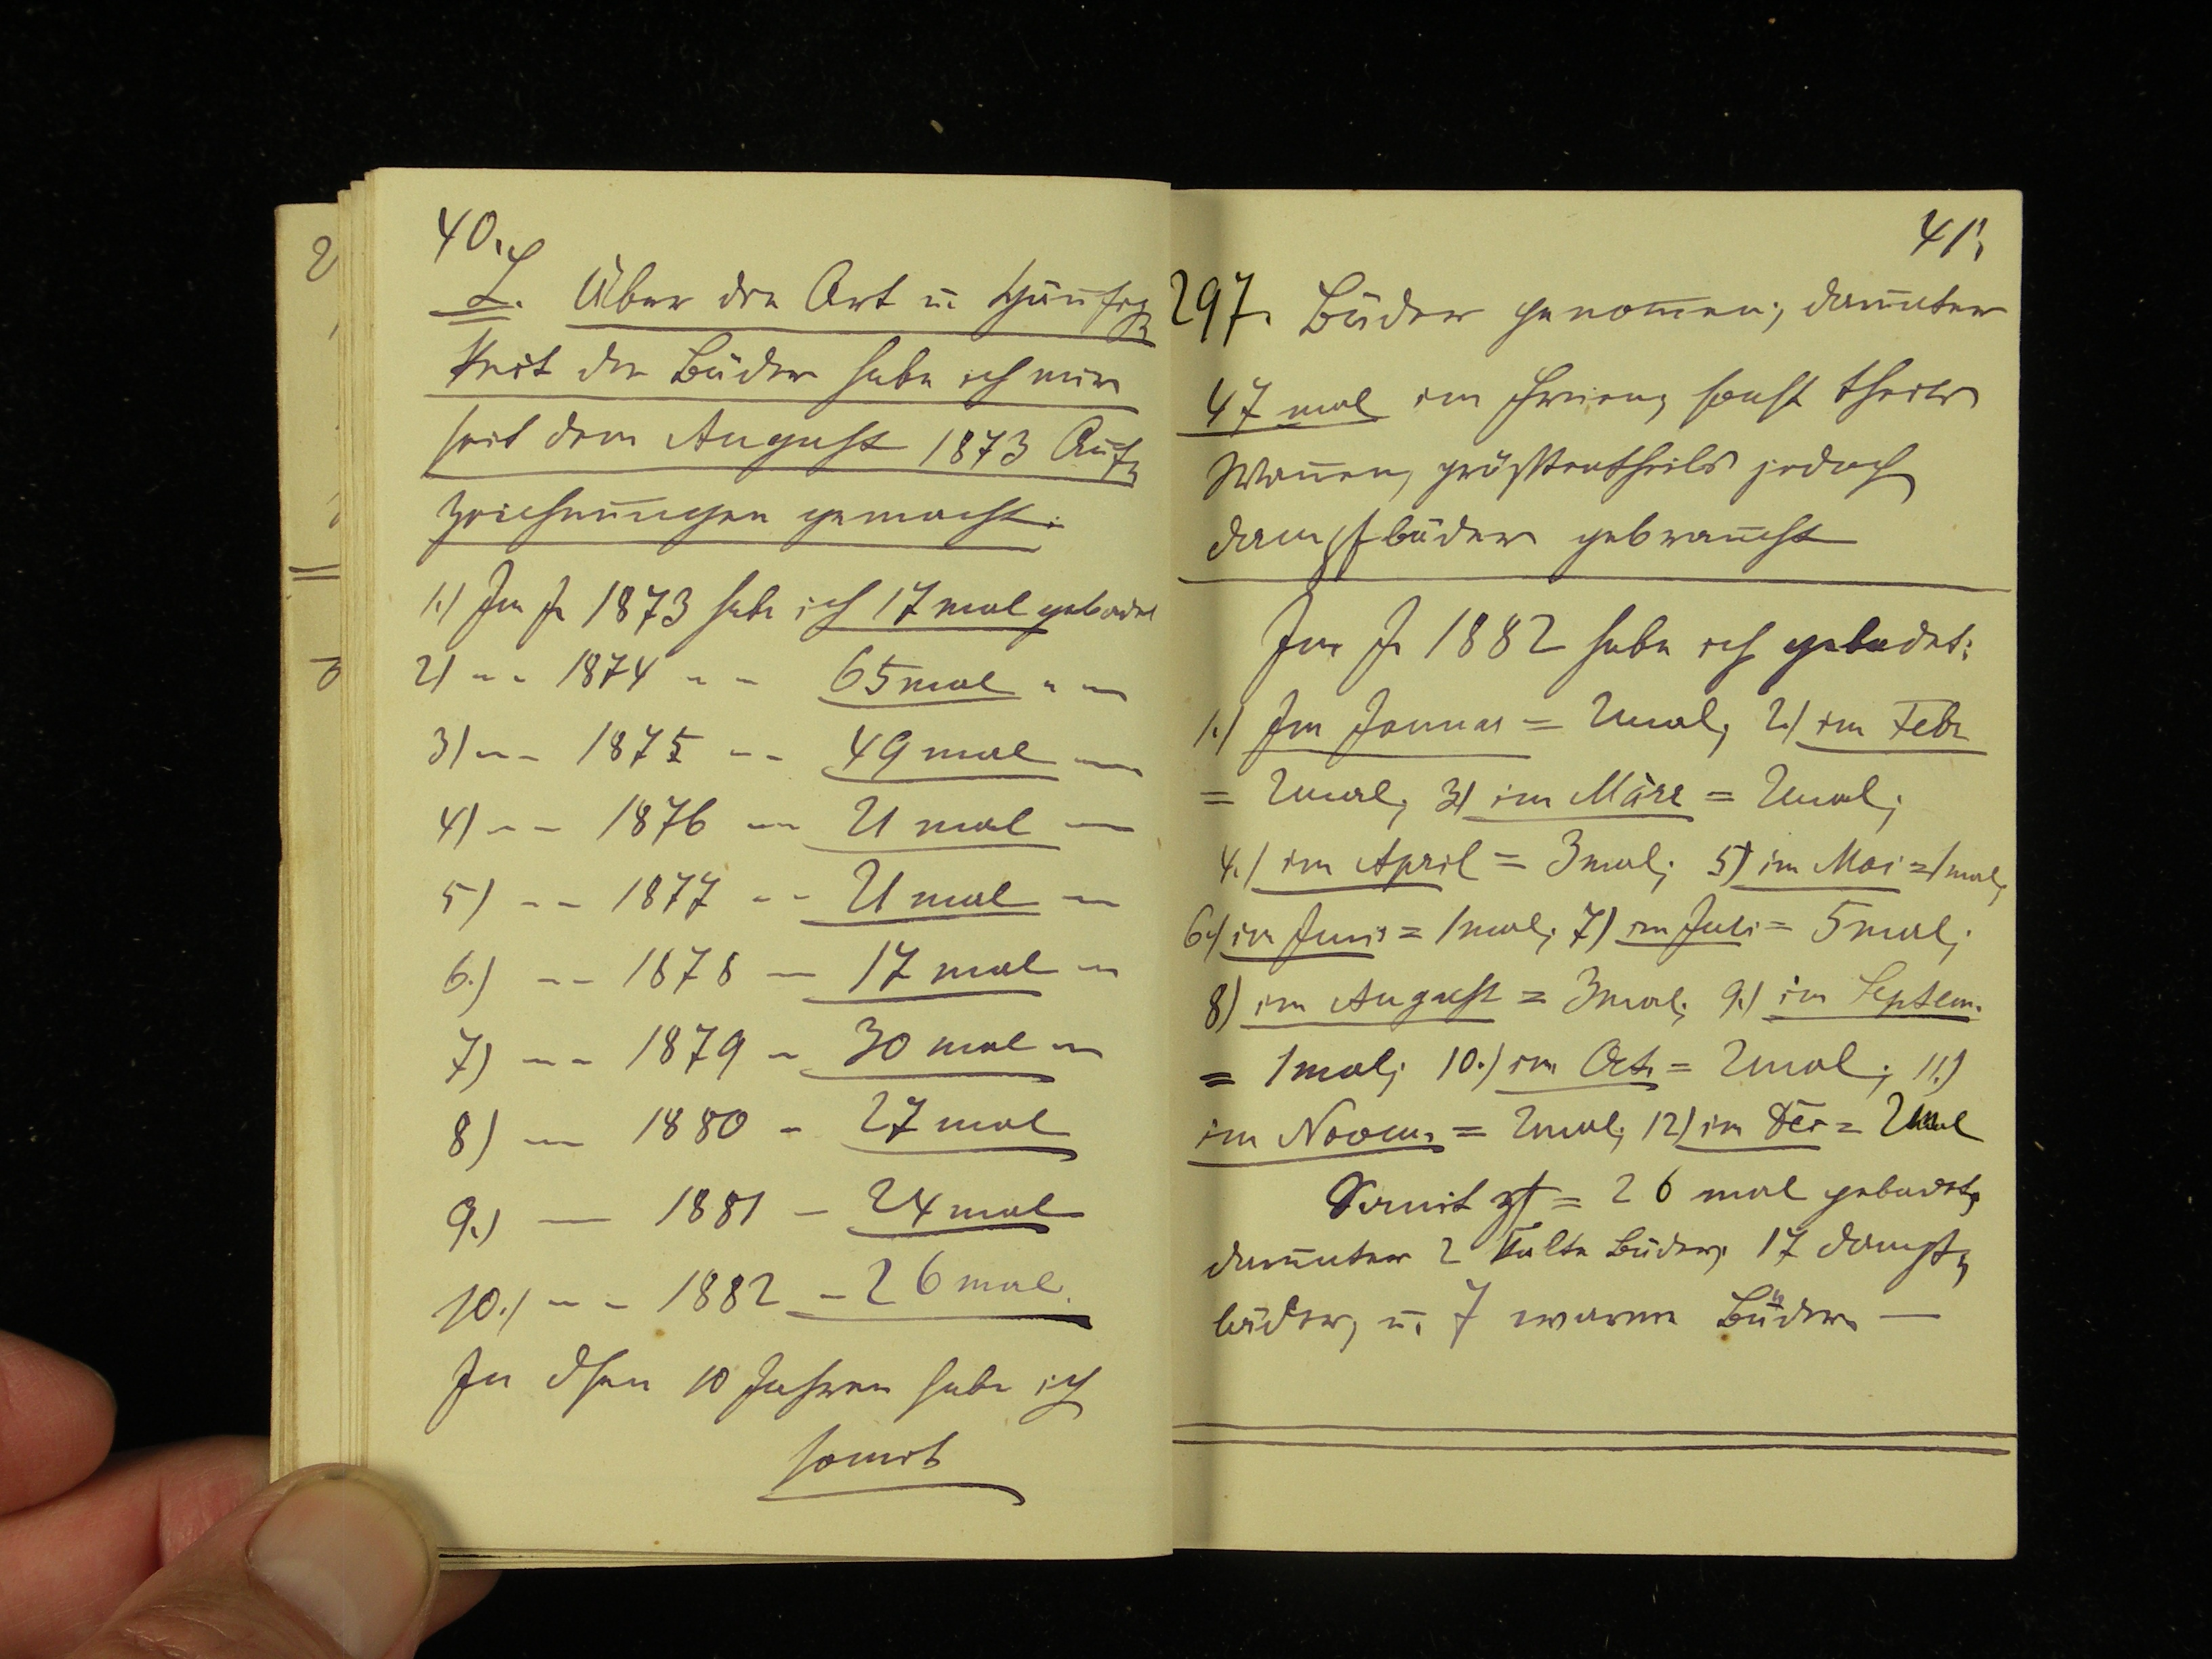40
Über die Art und Häufig¬
keit der Bäder habe ich mir
seit dem August 1873 Auf¬
zeichnungen gemacht:
1.) Im Jahr 1873 = habe ich = 17 mal gebadet
2.) 1874 = * = 65 * *
3.) 1875 = * = 49 * *
4.) 1876 = * = 21 * *
5.) 1877 = * = 21 * *
6.) 1878 = * = 17 * *
7.) 1879 = * = 30 * *
8.) 1880 = * = 27 * *
9.) 1881 = * = 24 * *
10.) 1882 = * = 26 * *
In den 10 Jahren habe ich
somit….
41
…..297 Bäder gemacht; darunter
47 mal im Freien, sonst theils
Wannen, größtentheils jedoch
Dampfbäder gebraucht.
Im Jahr 1882 habe ich gebadet:
1) Im Januar = 2 mal: 2) Im Feb¬
ruar =2 mal. 3) Im März = 2 mal;
4) Im AprilI = 3 mal: 5) im Mai= 1 mal.
6) im Juni = 1 mal; 7) im Juli= 5 mal;
8) im August = 3 mal; 9) im Septem.
=1 mal 10) im Octob. = 2 mal; 11)
im Novemb. = 2 mal; 12) im Dec. = 2 mal;
Somit zusammen = 26 mal gebadet ,
darunter 2 kalte Bäder, 17 Dampf¬
bäder und 7 warme Bäder.---